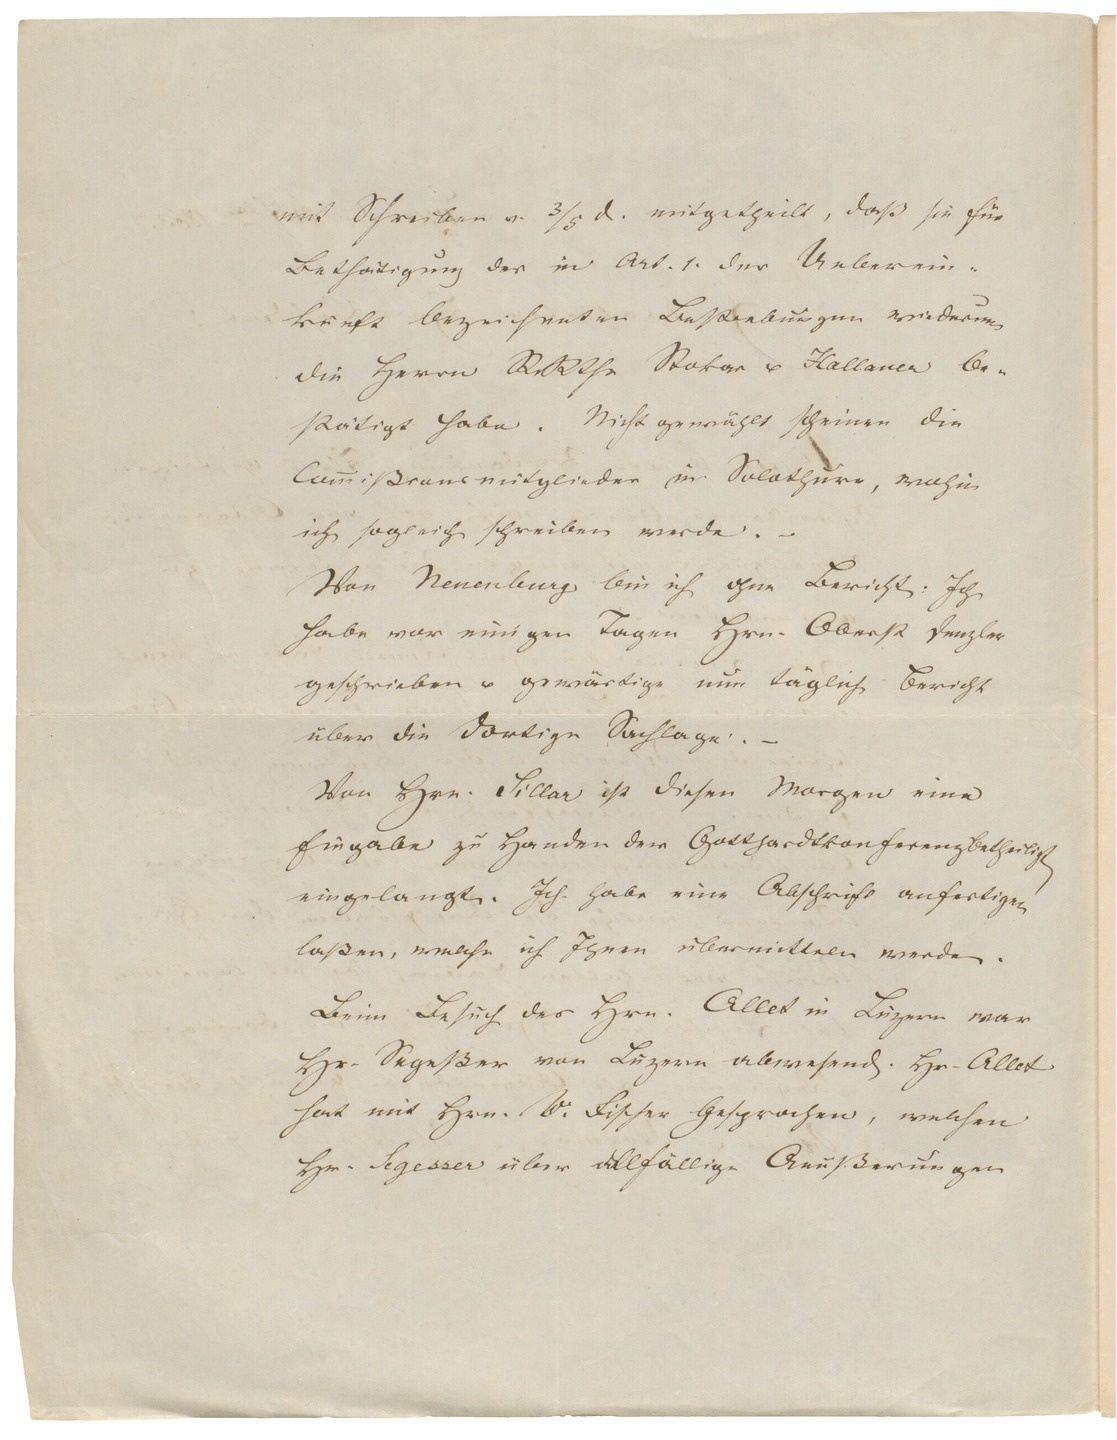mit Schreiben v. 3/5 d. mitgetheilt, daß sie für
Bethätigung der in Art. 1. der Ueberein-
kunft bezeichneten Bestrebungen wiederum
die Herrn RRthe Stokar & Hallauer be-
stätigt habe. Nicht gewählt scheinen die
Commißionsmitglieder in Solothurn, wohin
ich sogleich schreiben werde. –
Von Neuenburg bin ich ohne Bericht: Ich
habe vor einigen Tagen Hrn. Oberst Denzler
geschrieben & gewärtige nun täglich Bericht
über die dortige Sachlage. –
Von Hrn. Sillar ist diesen Morgen eine
Eingabe zu Handen der Gotthardtkonferenzbetheiligten
eingelangt. Ich habe eine Abschrift anfertigen
laßen, welche ich Ihnen übermitteln werde.
Beim Besuch des Hrn. Allet in Luzern war
Hr. Segeßer von Luzern abwesend. Hr. Allet
hat mit Hrn. V. Fischer gesprochen, welchen
Hr. Segesser über allfällige Aeußerungen